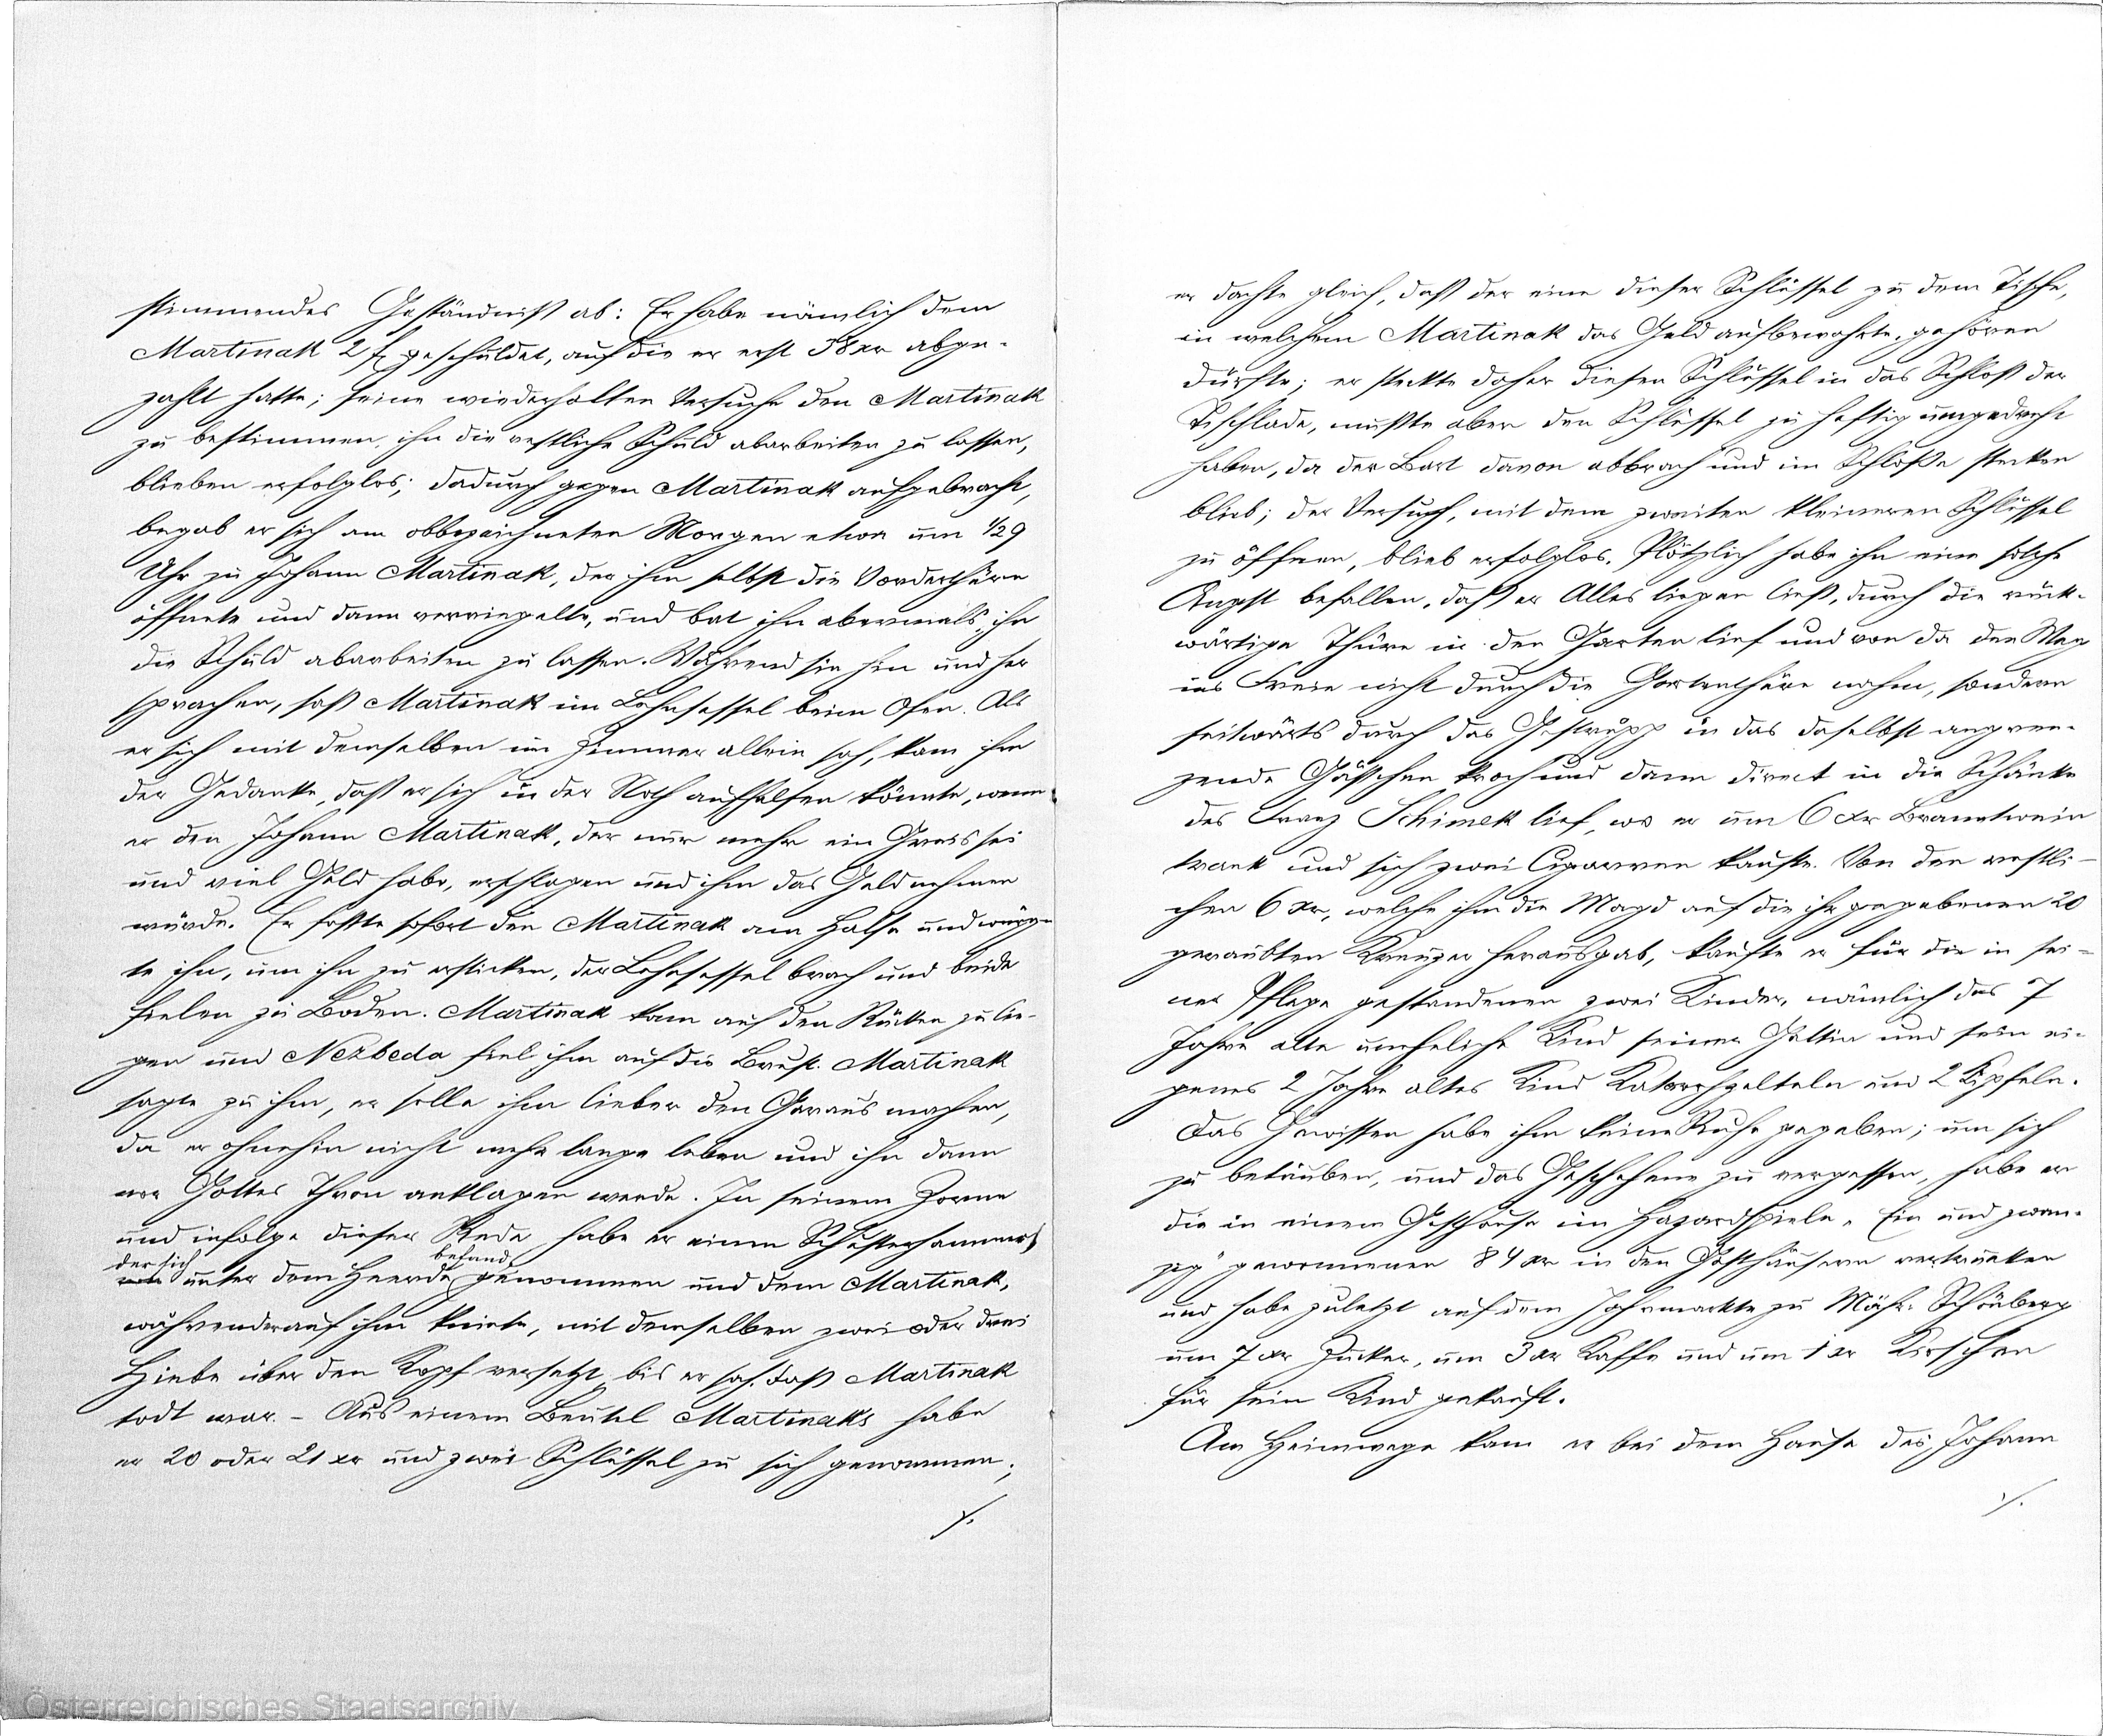timmendes Geständniß ab: Er habe nämlich dem
Martinak 2f geschuldet, auf die er erst 38kr abge¬
zahlt hatte; seine widerholten Versuche den Martinak
zu bestimmen, ihn die restliche Schuld abarbeiten zu lassen,
blieben erfolglos; dadurch gegen Martinak aufgebracht,
begab er sich am obbezeichneten Morgen etwa um ½ 9
Uhr zu Johann Martinak, der ihm selbst die Vorderthüren
öffnete und dann verriegelte, und bat ihn abermals, ihn
die Schuld abarbeiten zu lassen. Während sie hin und her
sprachen, saß Martinak im Lehnsessel beim Ofen. Als
er sich mit demselben im Zimmer allein sah, kam ihm
der Gedanke, daß er sich in der Noth aufhelfen könnte, wenn
er den Johann Martinak, der nur mehr ein Greis sei
und viel Geld habe, erschlagen und ihm das Geld nehmen
würde. Er faßte sofort den Martinak am Halse und würg¬
te ihn, um ihn zu ersticken, der Lensessel brach und beide
fielen zu Boden. Martinak kam auf den Rücken zu lie¬
gen und Nezbeda fiel ihm auf die Brust. Martinak
sagte zu ihm, er solle ihm lieber den Garaus machen,
da er ohnehin nicht mehr lange leben und ihn dann
vor Gottes Thron anklagen werde. In seinem Zorne
und infolge dieser Rede habe er einen Schusterhammerl
der sich
befand
unter dem Heerd genommen und dem Martinak,
während er auf ihm kniete, mit demselben zwei oder drei
Hiebe über den Kopf versetzt, bis er sah daß Martinak
todt war – Aus einem Beutel Martinaks habe
er 20 oder 21 kr un zwei Schlüssel zu sich genommen;
er dachte gleich, daß der einen dieser Schlüssel zu dem Tisch,
in welchem Martinak das Geld aufbewahrte, gehören
dürfte; er steckte daher diesen Schlüssel in das Schloß der
Tischlade, mußte aber den Schlüssel zu Heftig umgedreht
haben, da der Bart davon abbruch und im Schloße stecken
blieb; der Versuch, mit dem zweiten kleineren Schlüssel
zu öffnen, blieb erfolglos. Plötzlich habe ihn eine solche
Angst befallen, daß er Alles liegen ließ, durch die rück¬
wärtige Thüre in der Garten lief und von da den Weg
ins Freie nicht durch die Gartenthüre nahm, sondern
seitwärts durch das Gestrupp in das daselbst angren¬
zende Gäßchen krochend dann direct in die Schänke
des Franz Schimek lief, wo er um 6 der Branntwein
trank und sich zwei Cigarren kaufte. Von den restli¬
chen 6 Kr, welche ihm die Magd auf die ihr gegebenen 20
geraubten Kreuzer heraus gab, kaufte er für die in sei¬
ner Pflege gestandenen zwei Kinder, nämlich des 7
Jahre alte uneheliche Kind seiner Gattin und sein ei¬
genes 2 Jahre altes Kind Katarrhzelteln und 2 Kipfeln.
Aus Gewissen habe ihm keine Ruhe gegeben; um sich
zu betrüben, und das Geschehene zu vergessen, habe er
die in einem Gasthause im Hazardspiele „Ein und zwan¬
zig“ gewonnenen 84 xr in den Gasthäusern verktrunken
und habe zuletzt auf dem Jahmarkte zu Mähr. Schönberg
um 7xr Zucker, um 3 xr Kaffe und um 1 xr Kirschen
für sein Kind gekauft.
Am Heimwege kam er bei dem Hause des Johann